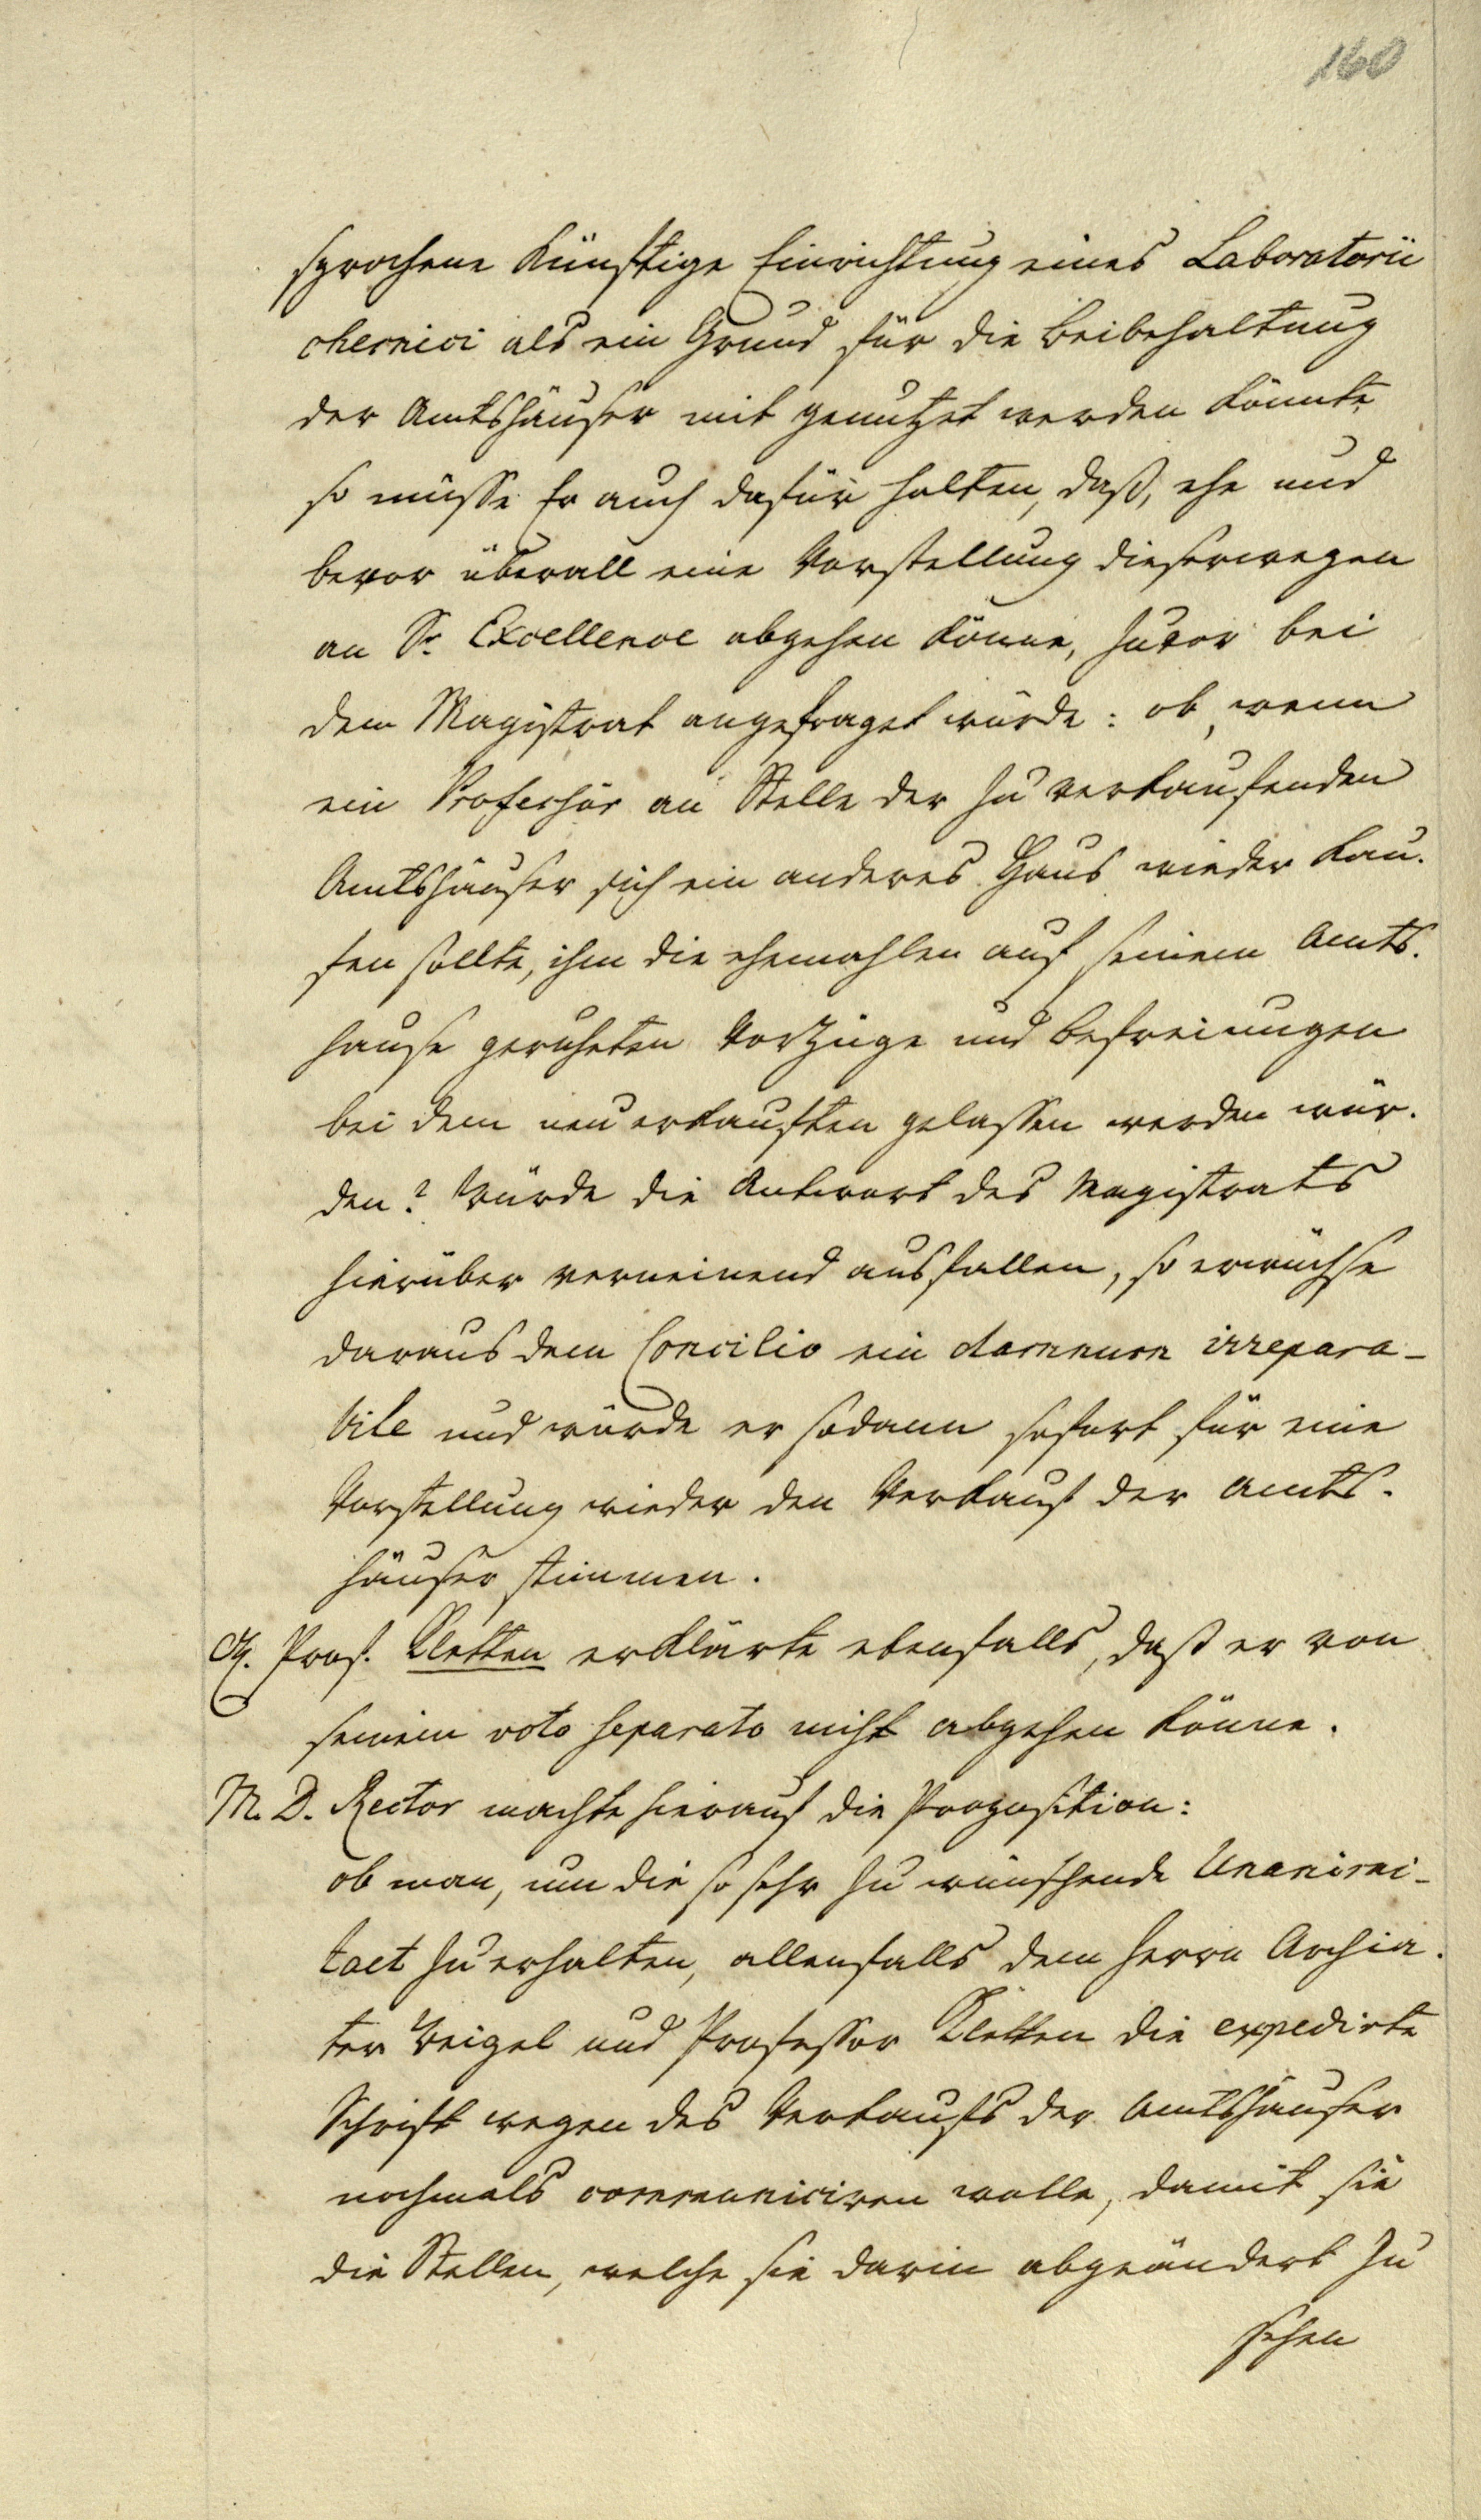sprochene künftige Einrichtung eines Laboratorii
chemici als ein Grund für die Beibehaltung
der Amtshäuser mit genutzet werden könnte,
so müsse Er auch dafür halten, daß, ehe und
bevor überall eine Vorstellung dieserwegen
an Sr Excellence abgehen könne, zuvor bei
dem Magistrat angefraget würde: ob, wenn
ein Professor an Stelle der zu verkaufenden
Amtshäuser sich ein anderes Haus wieder kau¬
fen sollte, ihm die ehemahlen auf seinem Amts¬
hause geruheten Vorzüge und Befreiungen
bei dem neu erkauften gelassen werden wür¬
den? Würde die Antwort des Magistrats
hierüber verneinend ausfallen, so erwüchse
daraus dem Concilio ein damnum irrepara¬
bile und würde er sodann sofort für eine
Vorstellung wieder den Verkauf der Amts¬
häuser stimmen.
dh. Prof. Kletten erklärte ebenfalls, daß er von
seinem voto separato nicht abgehen könne.
M. D. Rector machte hierauf die Proposition:
ob man, um die so sehr zu wünschende Unanimi¬
taet zu erhalten, allenfalls dem Herrn Archia¬
ter Weigel und Professor Kletten die expedirte
Schrift wegen des Verkaufs der Amtshäuser
nochmals communiciren wolle, damit sie
die Stellen, welche sie darin abgeändert zu
sehen